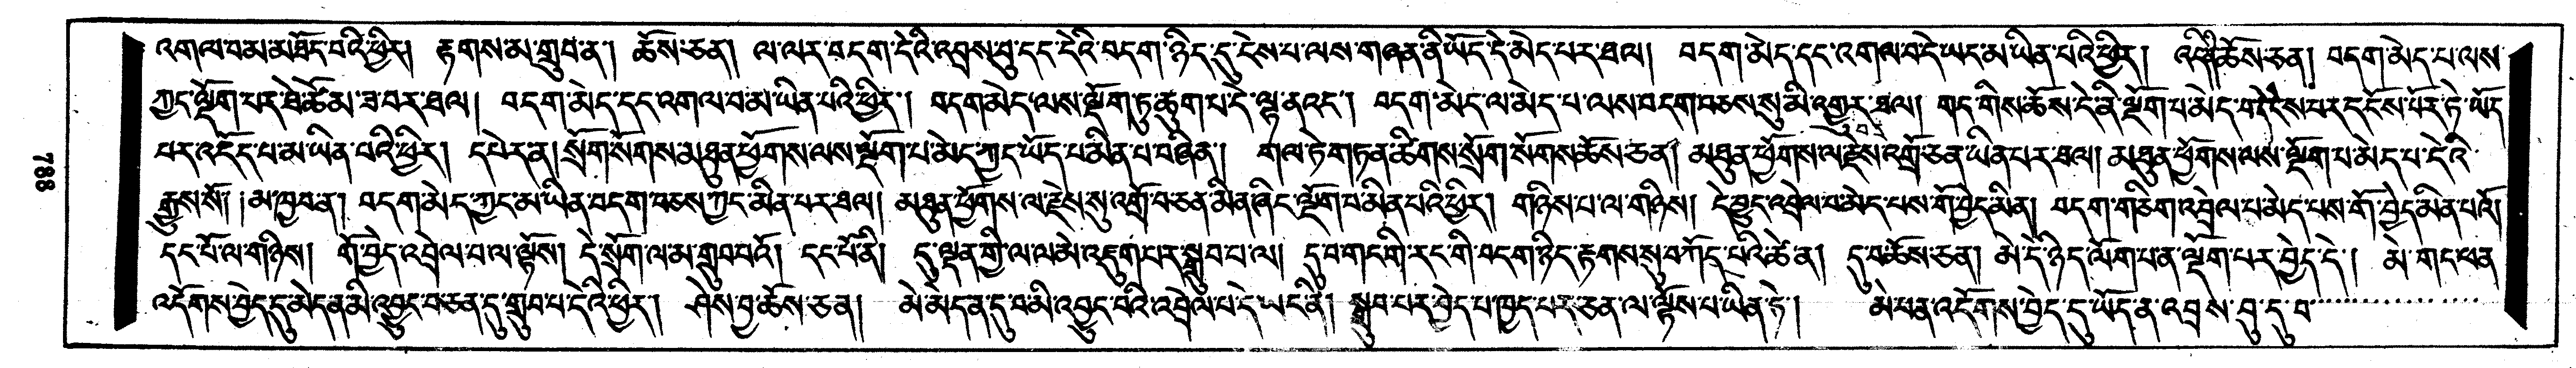འགལ་བ་མ་མཐོད་བའི་ཕྱིར། རྟགས་མ་གྲུབ་ན། ཆོས་ཅན། ལ་ལར་བདག་དེའི་འབྲས་བུ་དང་དེའི་བདག་ཉིད་དུ་ངེས་པ་ལས་གཞན་ནི་ཡོད་དེ་མེད་པར་ཐལ། བདག་མེད་དང་འགལ་བ་དེ་ཡང་མ་ཡིན་པའི་ཕྱིར། འདི་ནི་ཆོས་ཅན། བདག་མེད་པ་ལས་
ཀྱང་ལྡོག་པར་ཐེ་ཚོམ་ཟ་བར་ཐལ། བདག་མེད་དང་འགལ་བ་མ་ཡིན་པའི་ཕྱིར། བདག་མེད་ལས་ལྡོག་ཏུ་ཆུག་པ་དེ་ལྟ་ནའང་། བདག་མེད་ལ་མེད་པ་ལས་བདག་བཅས་སུ་མི་འགྱུར་ཐལ། གང་གིས་ཆོས་དེ་ནི་ལྡོག་པ་མེད་བ་དེ་ངེས་པར་དངོས་པོར་ཏེ་ཡོད་
པར་འདོད་པ་མ་ཡིན་པའི་ཕྱིར། དཔེར་ན། སྲོག་སོགས་མཐུན་ཕྱོགས་ལས་ལྡོག་པ་མེད་ཀྱང་ཡོད་པ་མིན་པ་བཞིན། གལ་ཏེ་གཏན་ཚིགས་སྲོག་སོགས་ཆོས་ཅན། མཐུན་ཕྱོགས་ལ་རྗེས་འགྲོ་ཅན་ཡིན་པར་ཐལ། མཐུན་ཕྱོགས་ལས་ལྡོག་པ་མེད་པ་དེའི་
རྒྱུས་སོ༑ ༑མ་ཁྱབ་ན། བདག་མེད་ཀྱང་མ་ཡིན་བདག་བཅས་ཀྱང་མིན་པར་ཐལ། མཐུན་ཕྱོགས་ལ་རྗེས་སུ་འགྲོ་བ་ཅན་མིན་ཞིང་ལྡོག་པ་མིན་པའི་ཕྱིར། གཉིས་པ་ལ་གཉིས། དེ་བྱུང་འབྲེལ་པ་མེད་པས་གོ་བྱེད་མིན། བདག་གཅིག་འབྲེལ་པ་མེད་པས་གོ་བྱེད་མིན་པའོ།
དང་པོ་ལ་གཉིས། གོ་བྱེད་འབྲེལ་པ་ལ་ལྟོས། དེ་སྲོག་ལ་མ་གྲུབ་པའོ། །དང་པོ་ནི། དུ་ལྡན་གྱི་ལ་ལ་མེ་འཇུག་པར་སྒྲུབ་པ་ལ། དུ་བ་གང་གི་རང་གི་བདག་ཉིད་རྟགས་སུ་བཀོད་པའི་ཚེ་ན། དུ་བ་ཆོས་ཅན། མེ་དེ་ཉིད་ལོག་པ་ན་ལྡོག་པར་བྱེད་དེ། མེ་གང་ཕན་
འདོགས་བྱེད་དུ་མེད་ན་མི་འབྱུང་བ་ཅན་དུ་གྲུབ་པ་དེའི་ཕྱིར། ཤེས་བྱ་ཆོས་ཅན། མེ་མེད་ན་དུ་བ་མི་འབྱུང་བའི་འབྲེལ་པ་དེ་ཡང་ནི། སྒྲུབ་པར་བྱེད་པ་ཁྱད་པར་ཅན་ལ་ལྟོས་པ་ཡིན་ཏེ། མེ་ཕན་འདོགས་བྱེད་དུ་ཡོད་ན་འབྲས་བུ་དུ་བ་